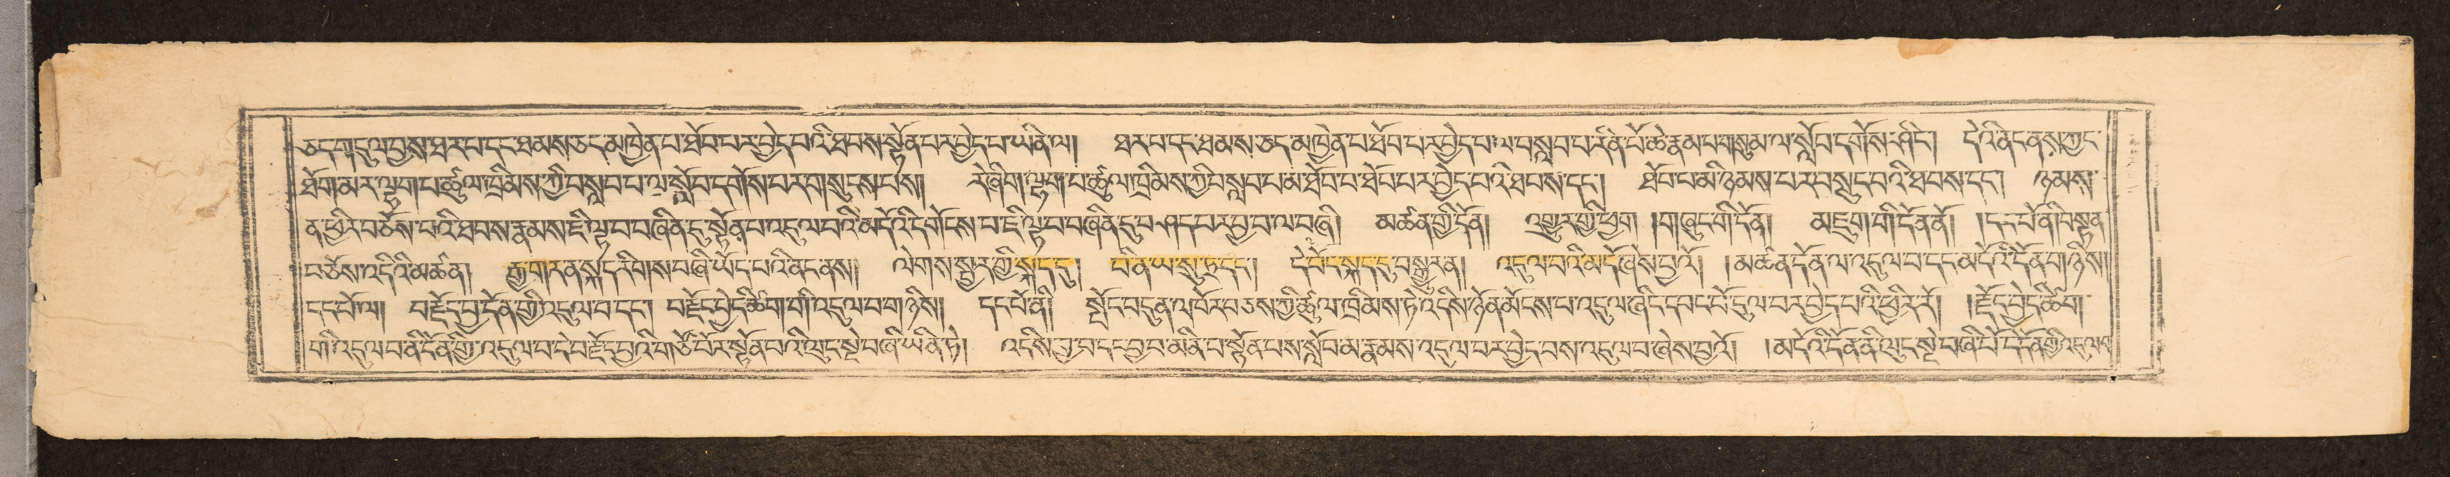ཅད་གདུལ་བྱས་ཐར་པ་དང་ཐམས་ཅད་མཁྱེན་པ་ཐོབ་པར་བྱེད་པའི་ཐབས་སྟོན་པར་བྱེད་པ་ཡིན་ལ། ཐར་པ་དང་ཐམས་ཅད་མཁྱེན་པ་ཐོབ་པར་བྱེད་པ་ལ་བསླབ་པ་རིན་པོ་ཆེ་རྣམ་པ་གསུམ་ལ་སློབ་དགོས་ཤིང་། དེའི་ནང་ནས་ཀྱང་
ཐོག་མར་ལྷག་བ་ཚུལ་ཁྲིམས་ཀྱི་བསླབ་པ་ལ་སློབ་དགོས་པར་གསུངས་པ། རེ་ཞིག་ལྷག་པ་ཚུལ་ཁྲིམས་ཀྱི་བསླབ་པ་མ་ཐོབ་པ་ཐོབ་པར་བྱེད་པའི་ཐབས་དང་། ཐོབ་པ་མི་ཉམས་པར་བསྲུང་བའི་ཐབས་དང་། ཉམས་
ན་ཕྱིར་བཅོས་པའི་ཐབས་རྣམས་ཇི་ལྟ་བ་བཞིན་དུ་སྟོན་པ་འདུལ་པའི་མདོའི་དགོངས་པ་ཇི་ལྟ་བ་བཞིན་དུ་བཤད་པར་བྱ་བ་ལ་བཞི། མཚན་གྱི་དོན། འགྱུར་གྱི་ཕྱག །གཞུང་གི་དོན། མཇུག་གི་དོན་ནོ། །དང་པོ་ནི། བསྟན་
བཅོས་འདིའི་མཚན། རྒྱ་གར་ན་སྐད་རིགས་བཞི་ཡོད་པའི་ནང་ནས། ལེགས་སྦྱར་གྱི་སྐད་དུ། བ་ནི་ཡ་སུ་ཏྲ་དང་། དེ་བོད་སྐད་དུ་བསྒྱུར་ན། འདུལ་བའི་མདོ་ཞེས་བྱའོ། །མཚན་དོན་ལ་འདུལ་བ་དང་མདོའི་དོན་གཉིས་
དང་པོ་ལ། བརྗོད་བྱ་དོན་གྱི་འདུལ་བ་དང་། བརྗོད་བྱེད་ཚིག་གི་འདུལ་བ་གཉིས། དང་པོ་ནི། སྤོང་བདུན་འཁོར་བཅས་ཀྱི་ཚུལ་ཁྲིམས་ཏེ་འདིས་ཉོན་མོངས་པ་འདུལ་ཞིང་དབང་པོ་དུལ་བར་བྱེད་པའི་ཕྱིར་རོ། །རྗོད་བྱེད་ཚིག་
གི་འདུལ་བ་ནི་དོན་གྱི་འདུལ་བ་དེ་བརྗོད་བྱའི་གཙོ་བོར་སྟོན་པའི་ལུང་སྡེ་བཞི་ཡིན་ཏེ། འདིས་བྱ་བ་དང་བྱ་བ་མིན་པ་སྟོན་པས་སློབ་མ་རྣམས་འདུལ་བར་བྱེད་པས་འདུལ་བ་ཞེས་བྱའོ། །མདོའི་དོན་ནི་ལུང་སྡེ་བཞི་པོ་དེ་དོན་གྱི་འདུལ་བ་